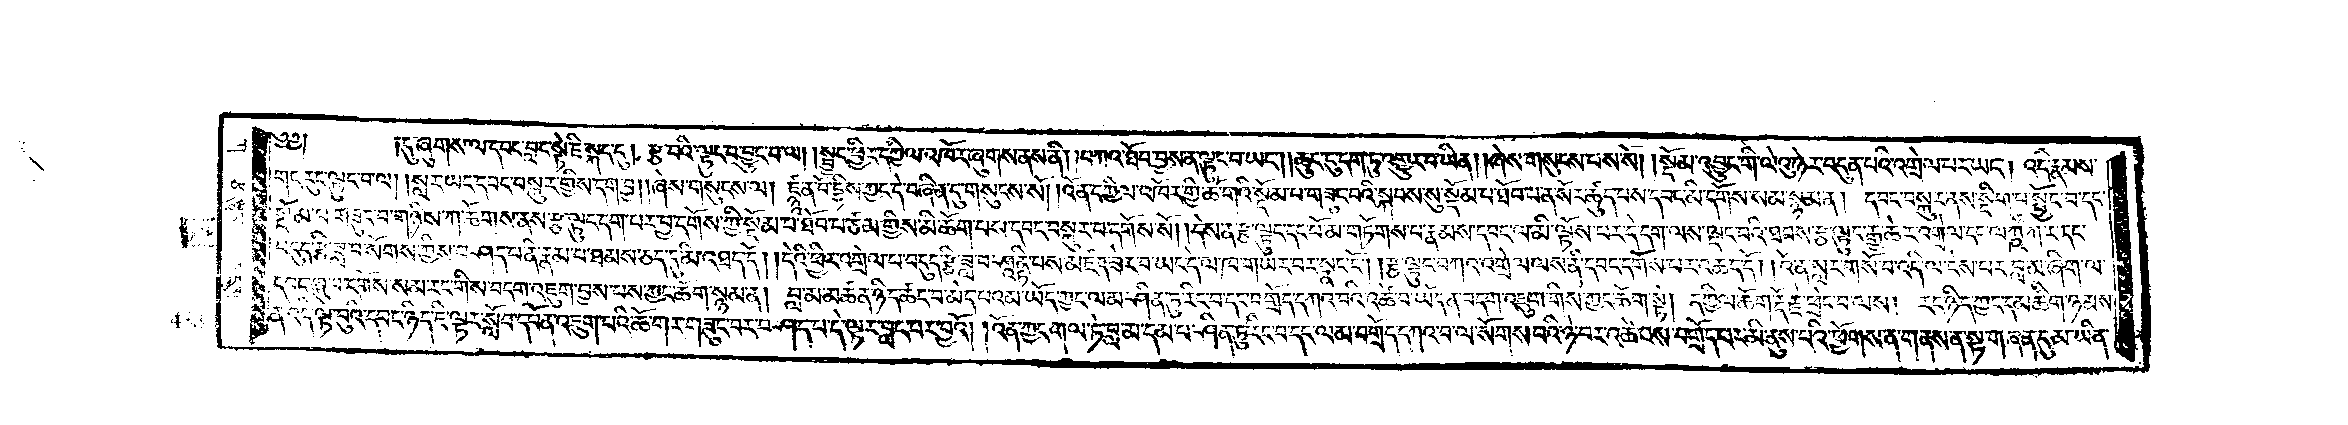༄༅། །དུ་ཞུགས་ལ་དབང་བླང་སྟེ་ཇི་སྐད་དུ། རྩ་བའི་ལྟུང་བ་བྱུང་བ་ལ། །སྦྱང་ཕྱིར་དཀྱིལ་འཁོར་ཞུགས་ནས་ནི། །བཀའ་ཐོབ་བྱས་ན་ལྟུང་བ་ཡང་། །ཆུང་ངུ་དག་ཏུ་འགྱུར་བ་ཡིན། །ཞེས་གསུངས་པས་སོ། །སྡོམ་འབྱུང་གི་ལེའུ་ཉེར་བདུན་པའི་འགྲེལ་པར་ཡང་། འདི་རྣམས་
གང་རུང་ལྟུང་བ་ལ། །སླར་ཡང་དབང་བསྐུར་གྱིས་དག་བྱ། །ཞེས་གསུངས་ལ། ཛྙ་ན་བོ་དྷིས་ཀྱང་དེ་བཞིན་དུ་གསུངས་སོ། །འོ་ན་དཀྱིལ་འཁོར་གྱི་ཆོ་གའི་སྡོམ་པ་གཟུང་བའི་སྐབས་སུ་སྡོམ་པ་ཐོབ་པ་ན་སོར་ཚུད་པས་དབང་མི་དགོས་སམ་སྙམ་ན། དབང་བསྐུར་ནས་སྡིག་པ་སྦྱོང་བ་དང་
སྡོམ་པ་གཟུང་བ་གཉིས་ཀ་ཚོགས་ནས་རྩ་ལྟུང་དག་པར་བྱ་དགོས་ཀྱི་སྡོམ་པ་ཐོབ་པ་ཙམ་གྱིས་མི་ཆོག་པས་དབང་བསྐུར་བ་དགོས་སོ། །དེས་ན་རྩ་ལྟུང་དང་པོ་མ་གཏོགས་པ་རྣམས་དབང་ལ་མི་ལྟོས་པར་དེ་དག་ལས་ལྡང་བའི་ཐབས་རྩ་ལྟུང་རྒྱ་ཆེར་འགྲེལ་དང་ལཀྵི་ཀ་ར་དང་
བདུད་རྩི་ཟླ་བ་སོགས་ཀྱིས་བཤད་པ་ནི་རྣམ་པ་ཐམས་ཅད་དུ་མི་འཐད་དོ། །དེའི་ཕྱིར་འགྲེལ་པ་བདུད་རྩི་ཟླ་བ་ཤཱནྟི་པས་མཛད་ཟེར་བ་ཡང་དེ་ལ་ཁ་གཡར་བར་སྣང་ངོ། །རྩ་ལྟུང་བཀའ་འགྲེལ་ལས་ནི་དབང་དགོས་པར་འཆད་དོ། །འོ་ན་སླར་གསོ་བ་འདི་ལ་ངེས་པར་བླ་མ་ཞིག་ལ་
དབང་ཞུ་བ་དགོས་སམ་རང་གིས་བདག་འཇུག་བྱས་པས་ཀྱང་ཆོག་སྙམ་ན། བླ་མ་མཚན་ཉིད་ཚང་བ་མེད་པའམ་ཡོད་ཀྱང་ལམ་ཤིན་ཏུ་རིང་བ་དང་བགྲོད་དཀའ་བའི་འཚེ་བ་ཡོད་ན་བདག་འཇུག་གིས་ཀྱང་ཆོག་སྟེ། དཀྱིལ་ཆོག་རྡོ་རྗེ་ཕྲེང་བ་ལས། རང་ཉིད་ཀྱང་དམ་ཚིག་ཉམས་
ན་འདི་ལྟ་བུའི་དབང་ཉིད་ཇི་ལྟར་སློབ་དཔོན་འཇུག་པའི་ཆོ་གར་གཟུང་བར་བཤད་པ་དེ་ལྟར་བླང་བར་བྱའོ། །འོན་ཀྱང་གལ་ཏེ་བླ་མ་དམ་པ་ཤིན་ཏུ་རིང་བ་དང་ལམ་བགྲོད་དཀའ་བ་ལ་སོགས་པའི་ཉེ་བར་འཚེ་བས་བགྲོད་པར་མི་ནུས་པའི་ཕྱོགས་ན་གནས་ན་སྟ་གཞན་དུ་མ་ཡིན་